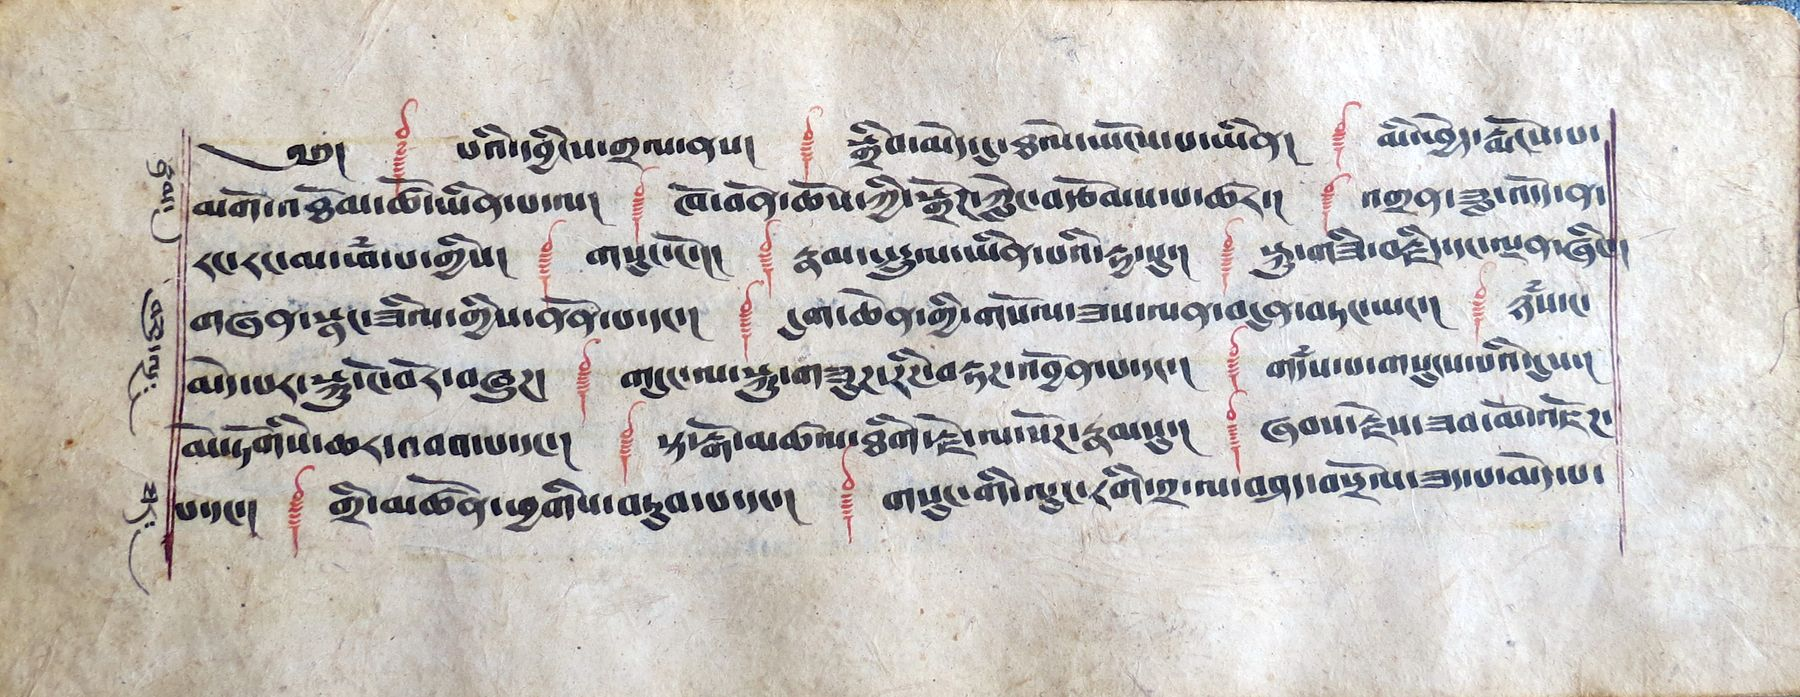དབྱིངས་གྲལ་ནས། སྒྲིབ་མེད་ཐལ་ལེ་འོང་བ་ཡིན། མི་ཕྱེད་རྨོངས་པ་
མགོ་འཐོམ་ཚོ་ཡིན་པ་ལ། ཁོ་བོ་བོན་ཆོས་ཀྱི་སྒྲོག་གླེང་རྩོད་པ་མཚར། འགྲན་ཟླ་འདོད་ན་
རང་རང་མ་ཕམ་པ་གྱིས་གསུངས་སོ། ། རྣམ་སྤྲུལ་ཡིན་པའི་རྟགས་སུ་སྐུ་གཟི་བརྗིད་དང་ལྡན་ཞིང་། 
གཞན་སྣང་ཟིལ་གྱིས་ནོན་པ་དང་། དུག་ཆེན་གྱི་གསོལ་ཟས་ལན་བདུན་བཏང་ཡང་། ཉམ་ང་
མེད་པར་སྐུ་ངོ་བོ་བཞུགས། གདུང་ལ་སྐུ་གཟུགས་རིགས་རྟགས་བྱོན་པ་དང་། གདམས་པ་གསུངས་པའི་དུས། 
མེ་ཏོག་གི་ཆར་བབས་པ་དང་། རྟ་སྒོ་མཚལ་ཐིག་རྗེ་ལས་སོགས་རྣམས་སུ་ཞབས་རྗེས་ཟབ་མོ་འཇོག་
པ་དང་། གྲི་མཚོན་ཕྱག་གིས་གཏུབ་པ་དང་། གསུང་གིས་ལུང་རིག་གཉིས་ལ་བཤད་བཀྲོལ་ཟད་པ་མེད་པར་